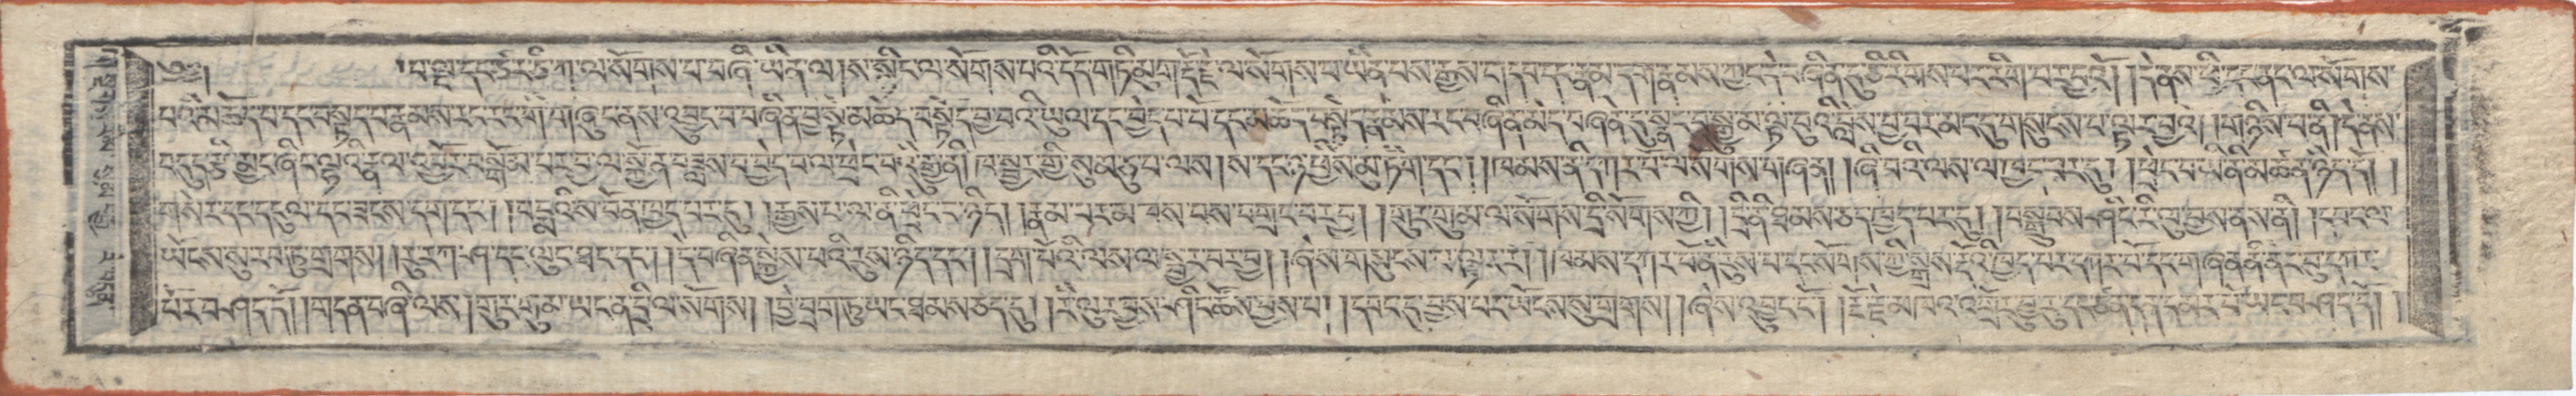༄༅། །པ་ལྔ་དང་ཙ་ར་ཅི་ཀ་ལ་སོགས་པ་བཞི་ཡིན་ལ། ས་སྙིང་ལ་སོགས་པའི་དོད་གཏི་མུག་རྡོ་རྗེ་ལ་སོགས་པ་ཡིན་པས་རྒྱས་གདབ་དང་རྣམ་དག་རྣམས་ཀྱང་དེ་བཞིན་དུ་ཅི་རིགས་པར་རིག་པར་བྱའོ། །དེ་ནས་ཕྱི་དང་ནང་ལ་སོགས་
པའི་མཆོད་པ་དང་བསྟོད་པ་རྣམས་རང་རང་གི་གཞུང་ནས་འབྱུང་བ་བཞིན་བྱ་སྟེ་མཆོད་བསྟོད་བྱ་བའི་ཡུལ་དང་བྱེད་པ་པོ་དང་མཆོད་བསྟོད་རྣམས་རང་བཞིན་མེད་བཞིན་དུ་སྣང་བ་སྒྱུ་མ་ལྟ་བུའི་བློས་བྱ་བར་མང་དུ་གསུངས་པ་ལྟར་བྱའོ། །གཉིས་པ་ནི། དེ་ནས་
བདུད་རྩི་མྱུང་ཞིང་ལྷའི་རྣལ་འབྱོར་བསྒོམ་པར་བྱ་ལ་སྐྱོན་བཟླས་བ་བྱེད་པ་ལ་ཕྲེང་བའི་རྒྱུ་ནི། ཁ་སྦྱར་གྱི་སུམ་ཅུ་པ་ལས། ས་དང་ཉ་ཕྱིས་མུ་ཏིག་དང་། །ཁམས་ནི་དཀར་པོ་ལ་སོགས་གཞན། །ཞི་བའི་ལས་ལ་ཁྱད་པར་དུ། །ཕྲེང་བ་ཡི་ནི་མཚན་ཉིད་དོ། །
གསེར་དང་དངུལ་དང་ཟངས་དག་དང་། །པདམའི་ས་བོན་ཁྱད་པར་དུ། །རྒྱས་པ་ལ་ནི་ཕྲེང་བ་ཉིད། །རྣམ་པར་མཁས་པས་བགྲང་བར་བྱ། །གུར་གུམ་ལ་སོགས་དྲི་སོགས་ཀྱི། །དྲི་ནི་ཐམས་ཅད་ཁྱད་པར་དུ། །བསྒྲུབས་ཤིང་རི་ལུ་བྱས་ནས་ནི། །དབང་ལ་
ཡོངས་སུ་རབ་ཏུ་གྲགས། །རུ་རཀ་ཤ་དང་ལུང་ཐང་དང་། །དེ་བཞིན་སྐྱེས་པའི་རུས་ཉིད་དང་། །དྲག་པོའི་ལས་ལ་སྦྱར་བར་བྱ། །ཞེས་གསུངས་པ་ལྟར་རོ། །ཁམས་དཀར་པོ་ནི་རུས་པ་དང་སོགས་ཀྱི་སྒྲས་རྡོའི་ཁྱད་པར་དཀར་པོ་དང་གཞན་ནི་ནོར་བུ་དཀར་
པོར་བཤད་དོ། །གདན་བཞི་ལས། གུར་གུམ་ཡང་ན་དྲི་ལ་སོགས། །བྱེ་བྲག་ཏུ་ཡང་ཐམས་ཅད་དུ། །རི་ལུར་བྱས་ཤིང་ཚོས་བྱས་པ། །དབང་དུ་བྱས་པར་ཡོངས་སུ་གྲགས། །ཞེས་འབྱུང་ངོ། །རྡོ་རྗེ་མཁའ་འགྲོར་བྱུ་རུ་དང་ཙན་དན་དམར་པོ་ཡང་བཤད་དོ། །